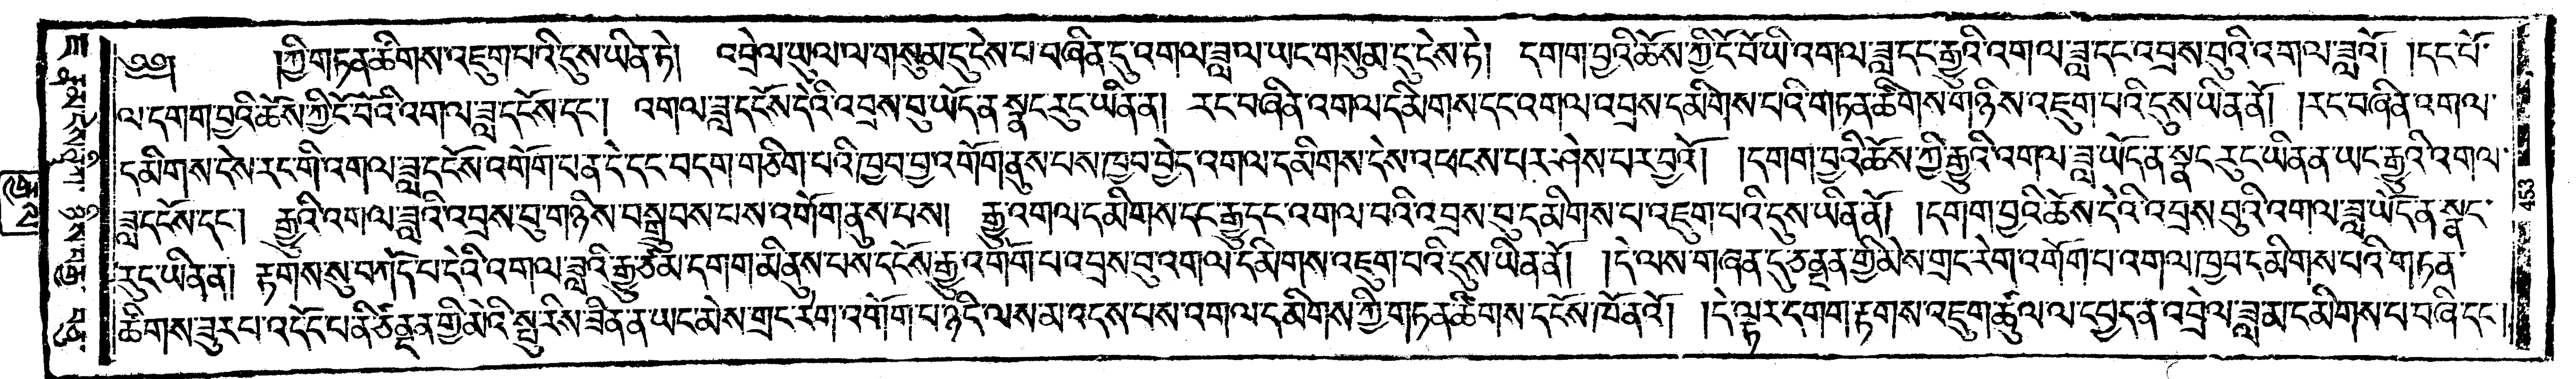༄༅། །ཀྱི་གཏན་ཚིགས་འཇུག་པའི་དུས་ཡིན་ཏེ། འབྲེལ་ཡུལ་ལ་གསུམ་དུ་ངེས་པ་བཞིན་དུ་འགལ་ཟླ་ལ་ཡང་གསུམ་དུ་ངེས་ཏེ། དགག་བྱའི་ཆོས་ཀྱི་ངོ་བོ་ཡི་འགལ་ཟླ་དང་རྒྱུའི་འགལ་ཟླ་དང་འབྲས་བུའི་འགལ་ཟླའོ། །དང་པོ་
ལ་དགག་བྱའི་ཆོས་ཀྱི་ངོ་བོའི་འགལ་ཟླ་དངོས་དང་། འགལ་ཟླ་དངོས་དེའི་འབྲས་བུ་ཡོད་ན་སྣང་རུང་ཡིན་ན། རང་བཞིན་འགལ་དམིགས་དང་འགལ་འབྲས་དམིགས་པའི་གཏན་ཚིགས་གཉིས་འཇུག་པའི་དུས་ཡིན་ནོ། །རང་བཞིན་འགལ་
དམིགས་ངེས་རང་གི་འགལ་ཟླ་དངོས་འགོག་པ་ན་དེ་དང་བདག་གཅིག་པའི་ཁྱབ་བྱ་འགོག་ནུས་པས་ཁྱབ་བྱེད་འགལ་དམིགས་དེས་འཕངས་པར་ཤེས་པར་བྱའོ། །དགག་བྱའི་ཆོས་ཀྱི་རྒྱུའི་འགལ་ཟླ་ཡོད་ན་སྣང་རུང་ཡིན་ན་ཡང་རྒྱུའི་འགལ་
ཟླ་དངོས་དང་། རྒྱུའི་འགལ་ཟླའི་འབྲས་བུ་གཉིས་བསྒྲུབས་པས་འགོག་ནུས་པས། རྒྱུ་འགལ་དམིགས་དང་རྒྱུ་དང་འགལ་བའི་འབྲས་བུ་དམིགས་པ་འཇུག་པའི་དུས་ཡིན་ནོ། །དགག་བྱའི་ཆོས་དེའི་འབྲས་བུའི་འགལ་ཟླ་ཡོད་ན་སྣང་
རུང་ཡིན་ན། རྟགས་སུ་བཀོད་པ་དེའི་འགལ་ཟླའི་རྒྱུ་ཙམ་དགག་མི་ནུས་པས་དངོས་རྒྱུ་འགོག་པ་འབྲས་བུ་འགལ་དམིགས་འཇུག་པའི་དུས་ཡིན་ནོ། །དེ་ལས་གཞན་དུ་ཙནྡན་གྱི་མེས་གྲང་རེག་འགོག་པ་འགལ་ཁྱབ་དམིགས་པའི་གཏན་
ཚིགས་ཟུར་པ་འདོད་པ་ནི་ཙནྡན་གྱི་མེའི་སྤུ་རིས་ཟིན་ན་ཡང་མེས་གྲང་རེག་འགོག་པ་ཉིད་ལས་མ་འདས་པས་འགལ་དམིགས་ཀྱི་གཏན་ཚིགས་དངོས་ཁོ་ནའོ། །དེ་ལྟར་དགག་རྟགས་འཇུག་ཚུལ་ལ་དཔྱད་ན་འབྲེལ་ཟླ་མ་དམིགས་པ་བཞི་དང་།